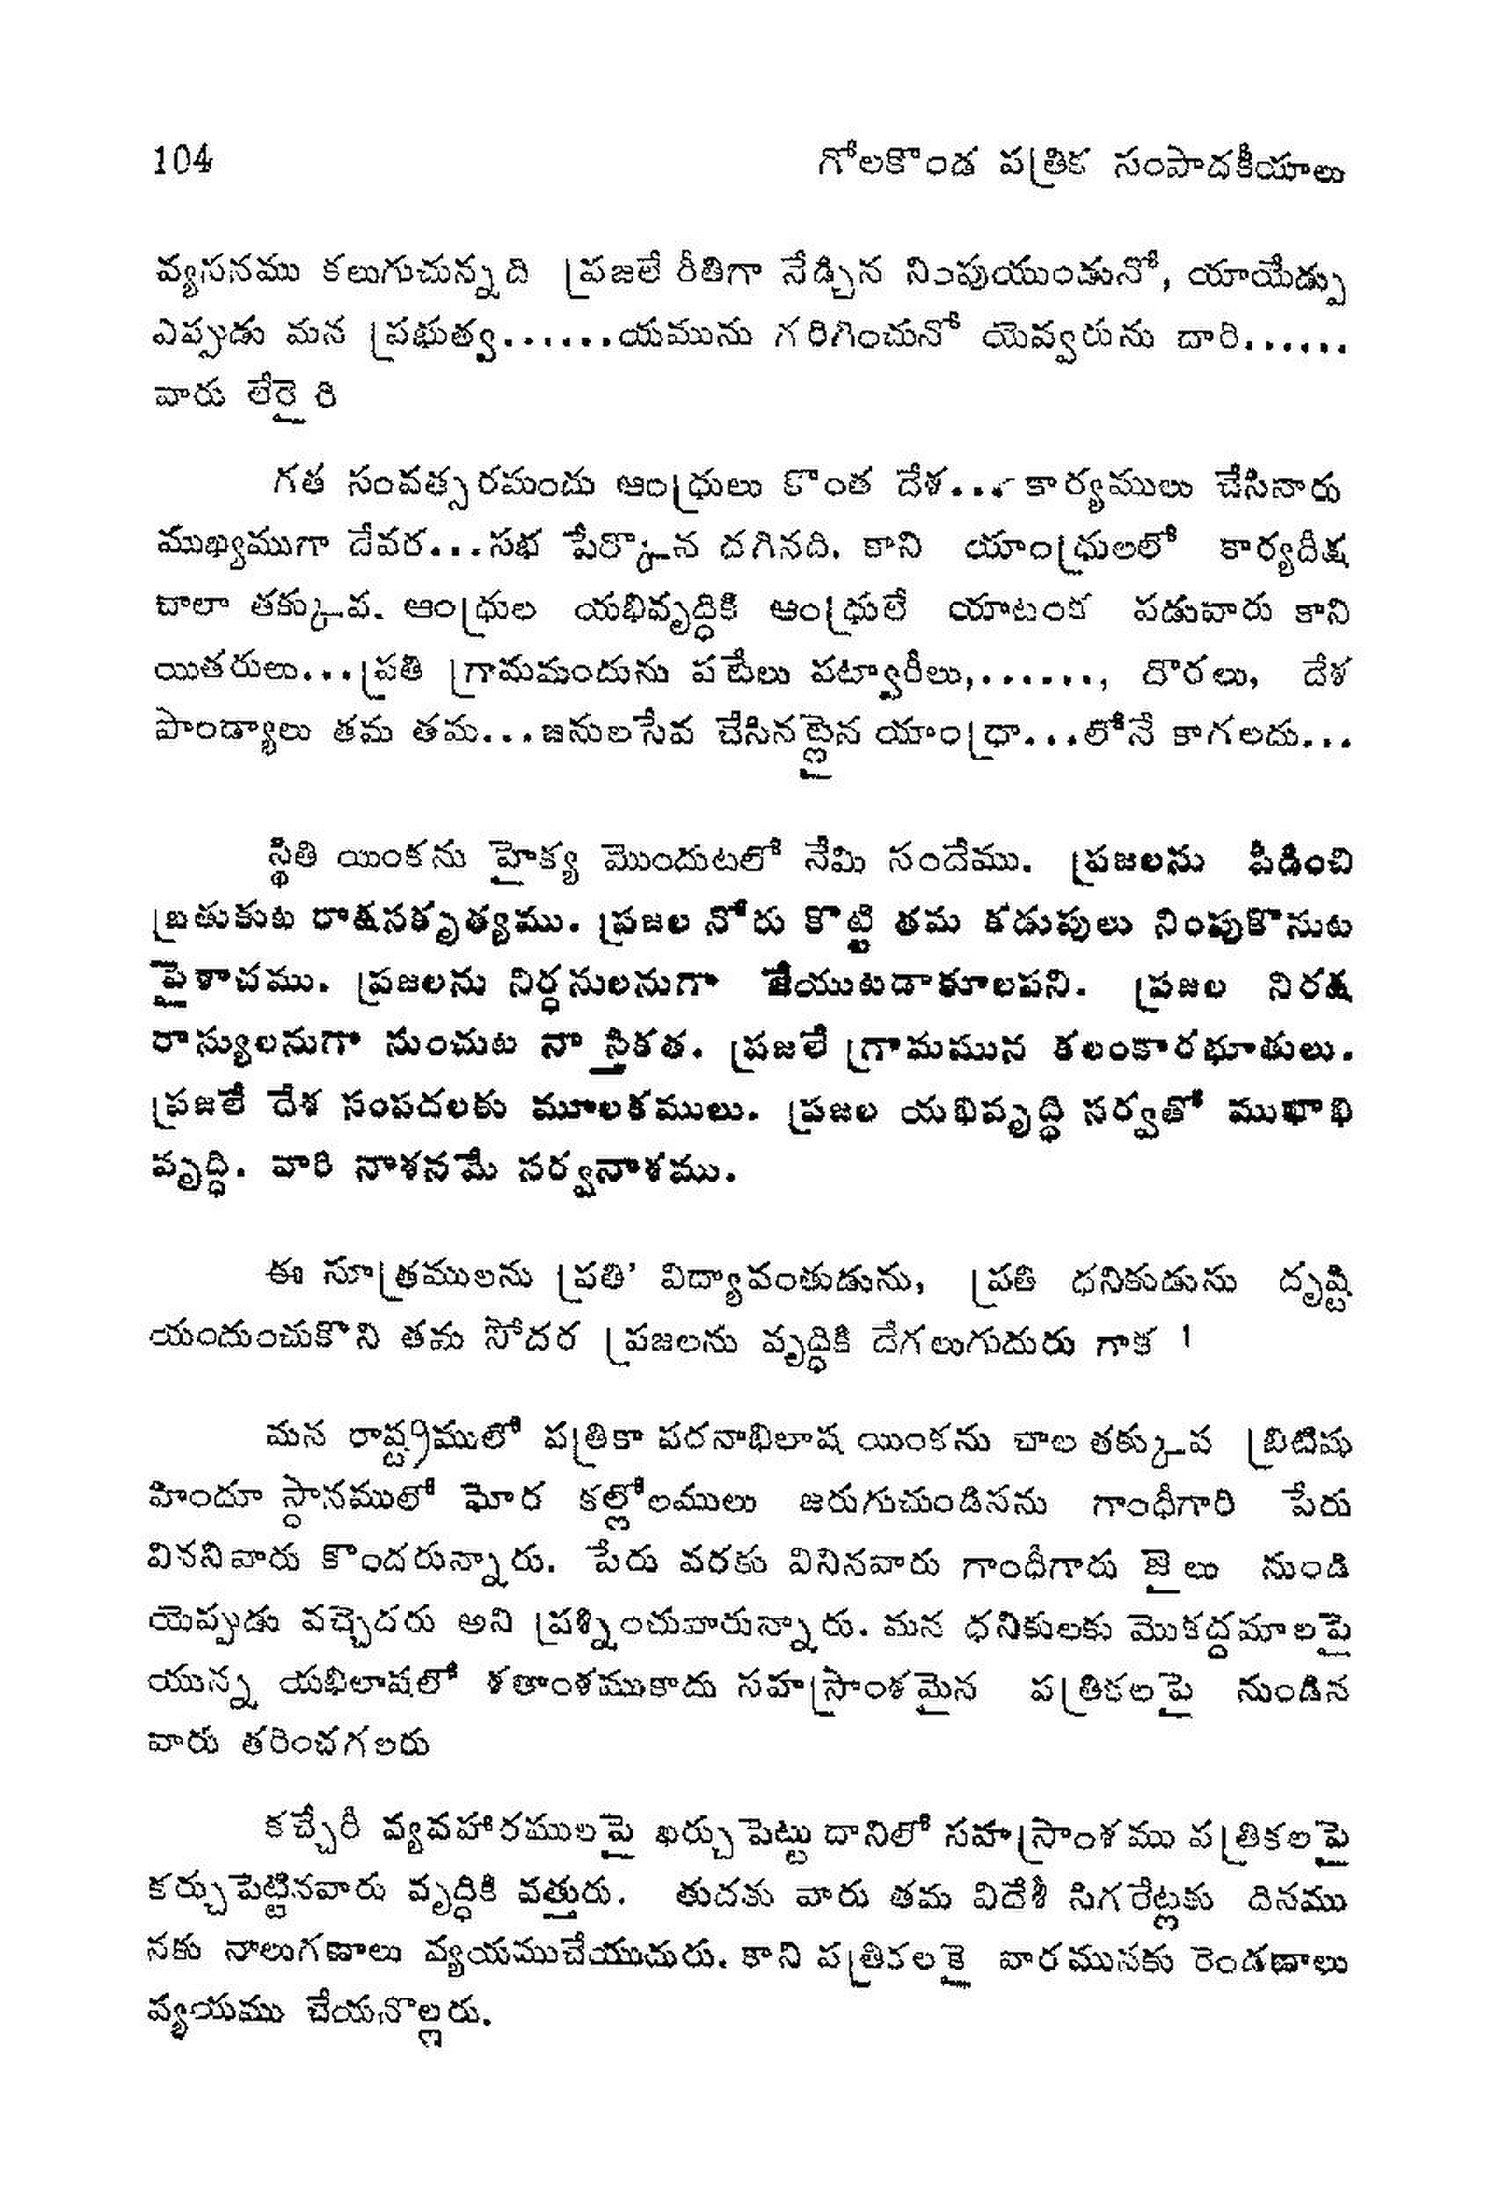వ్యసనము కలుగుచున్నది ప్రజలే రీతిగా నేడ్చిన నింపుయుండునో, యాయేడ్పు ఎప్పుడు మన ప్రభుత్వ......యమును గరిగించునో యెవ్వరును దారి ...... వారు లేరై రి

గత సంవత్సరమందు ఆంధ్రులు కొంత దేశ... కార్యములు చేసినారు ముఖ్యముగా దేవర... సభ పేర్కొన దగినది. కాని యాంధ్రులలో కార్యదీక్ష చాలా తక్కువ. ఆంధ్రుల యభివృద్ధికి ఆంధ్రులే యాటంక పడువారు కాని యితరులు... ప్రతి గ్రామమందును పటేలు పట్వారీలు, దొరలు, దేశ పాండ్యాలు తమ తమ... జనులసేవ చేసినట్లైన యాంధ్రా... లోనే కాగలదు...

స్థితి యింకను హైక్య మొందుటలో నేమి సందేము. ప్రజలను పీడించి బ్రతుకుట రాక్షసకృత్యము. ప్రజల నోరు కొట్టి తమ కడుపులు నింపుకొనుట పైశాచము. ప్రజలను నిర్ధనులనుగా జేయుటడాకూలపని. ప్రజల నిరక్షరాస్యులనుగా నుంచుట నా స్తికత. ప్రజలే గ్రామమున కలంకారభూతులు. ప్రజలే దేశ సంపదలకు మూలకములు. ప్రజల యభివృద్ధి సర్వతో ముఖాఖి వృద్ధి. వారి నాశనమే సర్వనాశము .

ఈ సూత్రములను ప్రతి' విద్యావంతుడును, ప్రతి ధనికుడును దృష్టి యందుంచుకొని తమ సోదర ప్రజలను వృద్ధికి దేగలుగుదురు గాక !

మన రాష్ట్రములో పత్రికా పఠనాభిలాష యింకను చాల తక్కువ బ్రిటిషు హిందూ స్థానములో ఘోర కల్లోలములు జరుగుచుండినను గాంధీగారి పేరు విననివారు కొందరున్నారు. పేరు వరకు వినినవారు గాంధీగారు జైలు నుండి
యెప్పుడు వచ్చెదరు అని ప్రశ్నించువారున్నారు. మన ధనికులకు మొకద్దమాలపై యున్న యభిలాషలో శతాంశముకాదు సహస్రాంశమైన పత్రికలపై నుండిన వారు తరించగలరు

కచ్చేరీ వ్యవహారములపై ఖర్చు పెట్టు దానిలో సహస్రాంశము పత్రికలపై కర్చుపెట్టినవారు వృద్ధికి వత్తురు. తుదకు వారు తమ విదేశీ సిగరేట్లకు దినమునకు నాలుగణాలు వ్యయముచేయుదురు. కాని పత్రికలకై వారమునకు రెండణాలు వ్యయము చేయనొల్లరు.